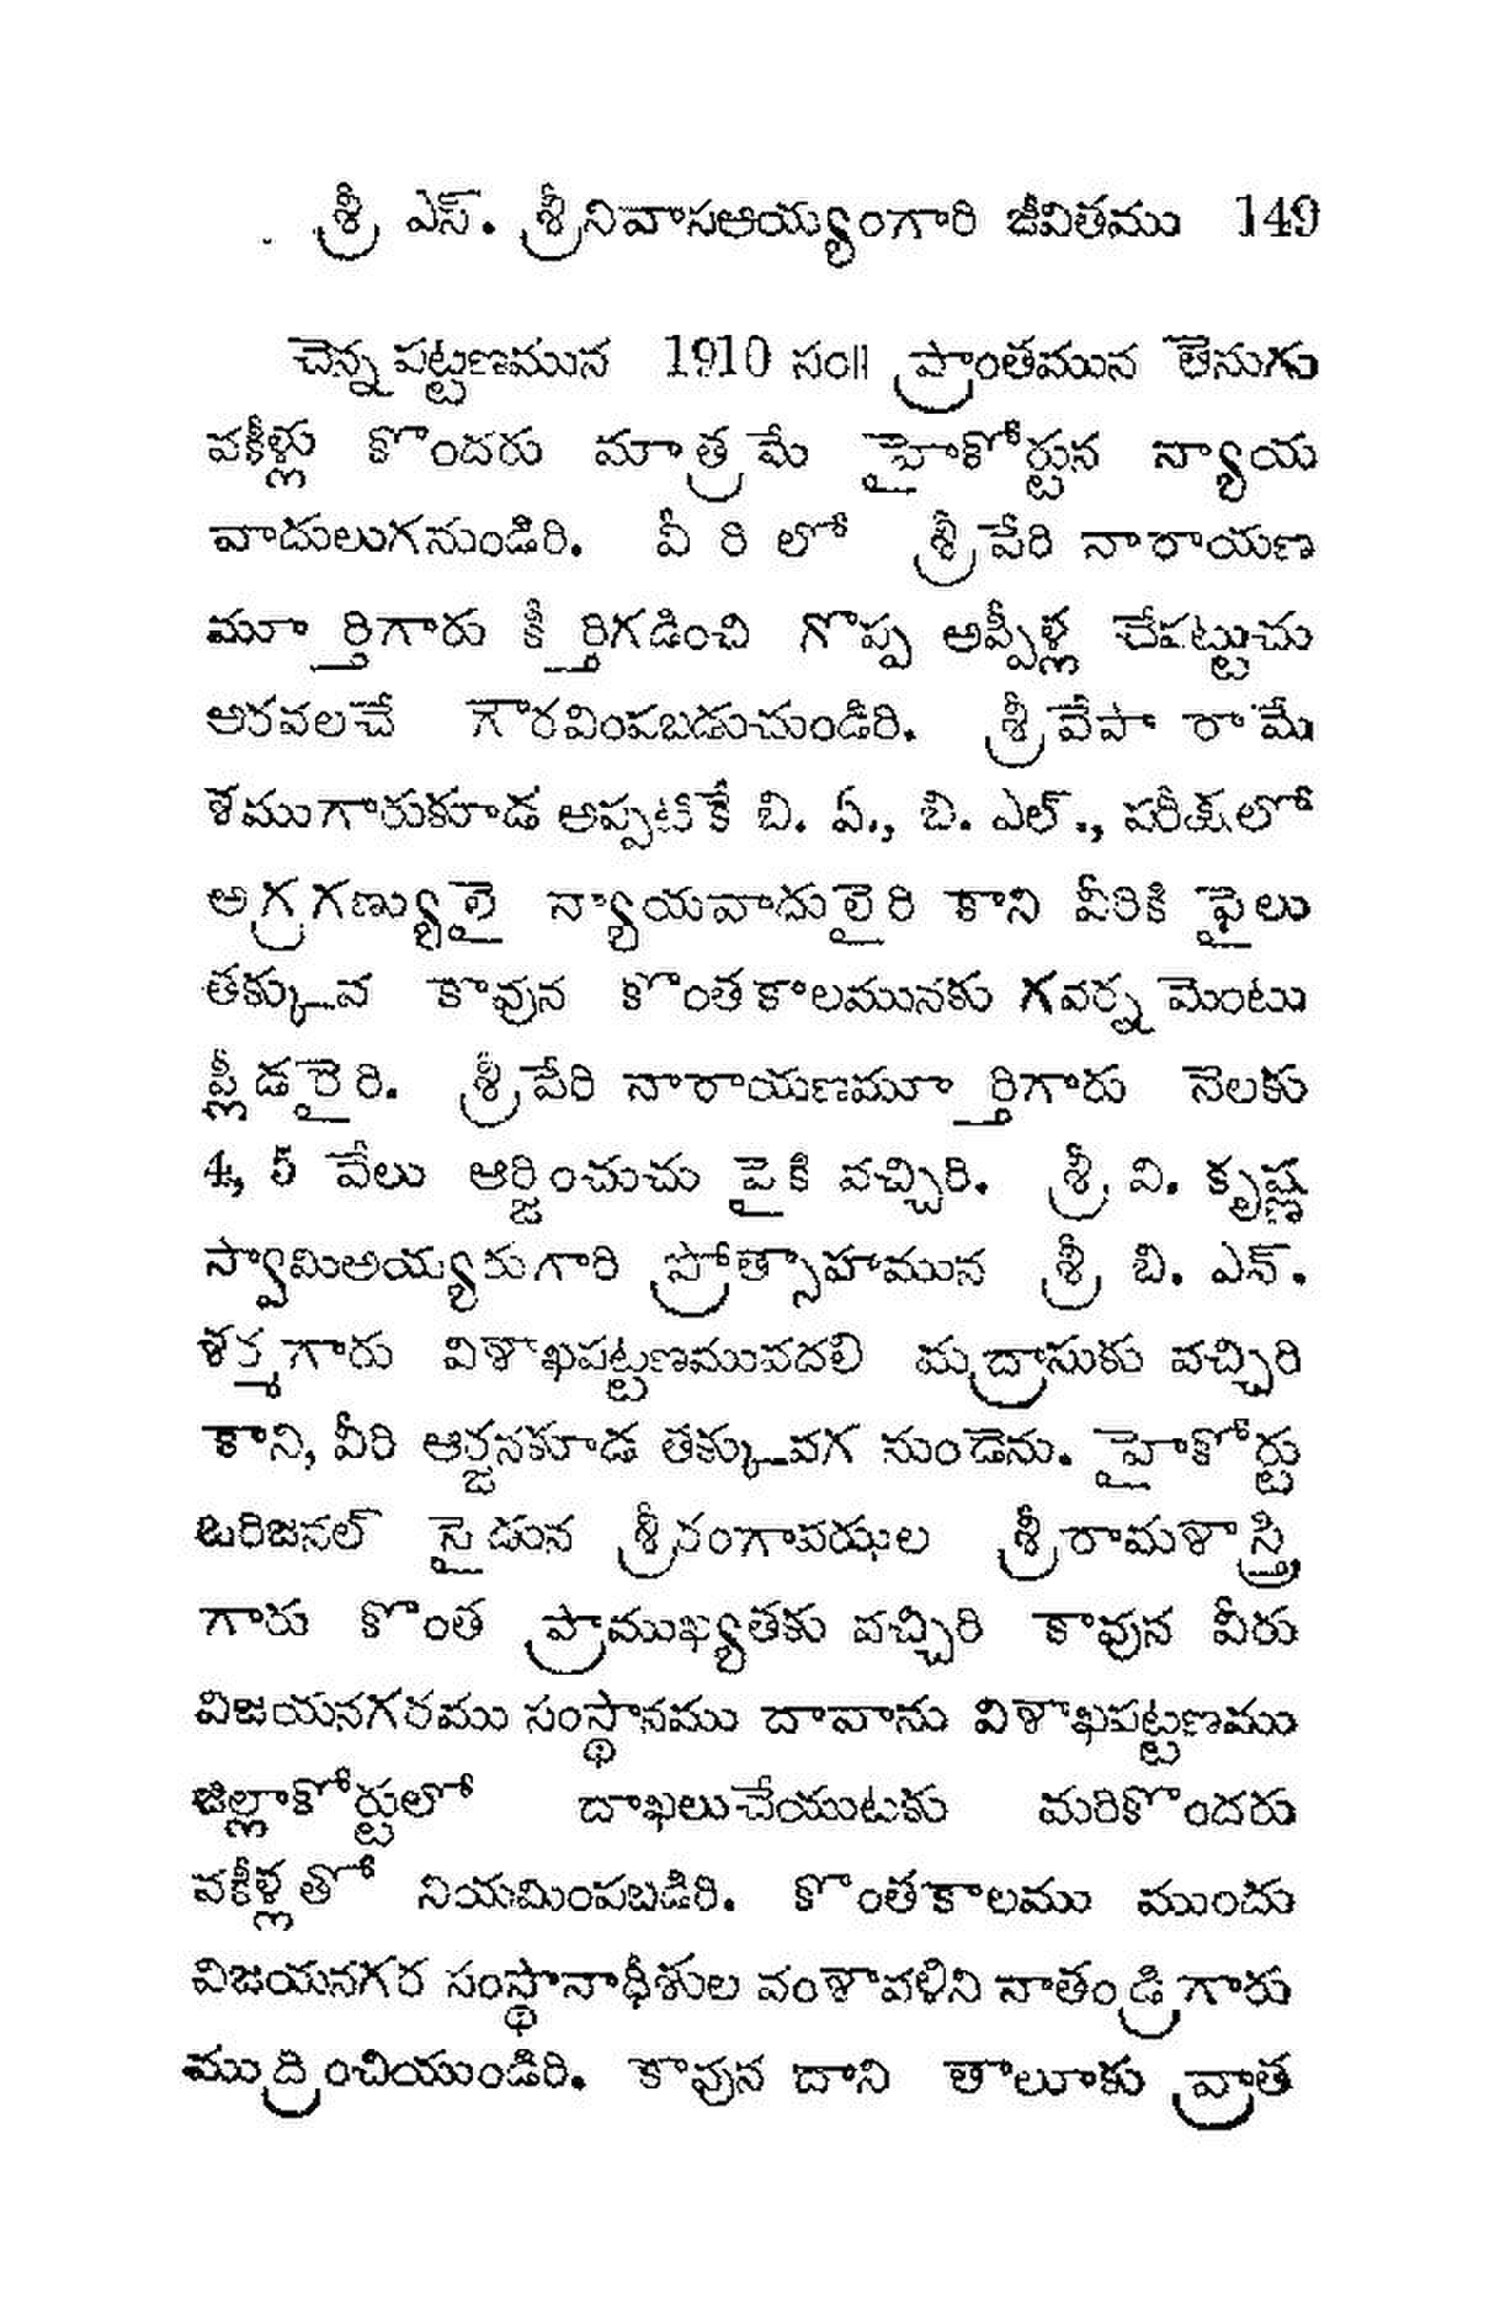చెన్నపట్టణమున 1910 సం!! ప్రాంతమున తెనుగు వకీళ్లు కొందరు మాత్రమే హైకోర్టున న్యాయవాదులుగనుండిరి. వీరిలో శ్రీపేరి నారాయణమూర్తిగారు కీర్తిగడించి గొప్ప అప్పీళ్ల చేపట్టుచు అరవలచే గౌరవింపబడుచుండిరి. శ్రీవేపా రామేశముగారుకూడ అప్పటికే బి. ఏ., బి. ఎల్., పరీక్షలో అగ్రగణ్యులై న్యాయవాదులైరి కాని వీరికి ఫైలు తక్కున కావున కొంతకాలమునకు గవర్నమెంటు ప్లీడరైరి. శ్రీపేరి నారాయణమూర్తిగారు. నెలకు 4, 5 వేలు ఆర్జించుచు పైకి వచ్చిరి. శ్రీ వి. కృష్ణస్వామిఅయ్యరుగారి ప్రోత్సాహమున శ్రీ బి. ఎన్. శర్మగారు. విశాఖపట్టణమువదలి మద్రాసుకు వచ్చిరి కాని, వీరి ఆర్జనకూడ తక్కువగ నుండెను. హైకోర్టు ఒరిజనల్ సైడున శ్రీరంగాపఝల శ్రీరామశాస్త్రిగారు కొంత ప్రాముఖ్యతకు వచ్చిరి కావున వీరు విజయనగరము సంస్థానము దావాను విశాఖపట్టణము జిల్లాకోర్టులో దాఖలుచేయుటకు మరికొందరు వకీళ్లతో నియమింపబడిరి. కొంతకాలము ముందు విజయనగర సంస్థానాధీశుల వంశావళిని నాతండ్రిగారు ముద్రించియుండిరి. కావున దాని తాలూకు వ్రాత